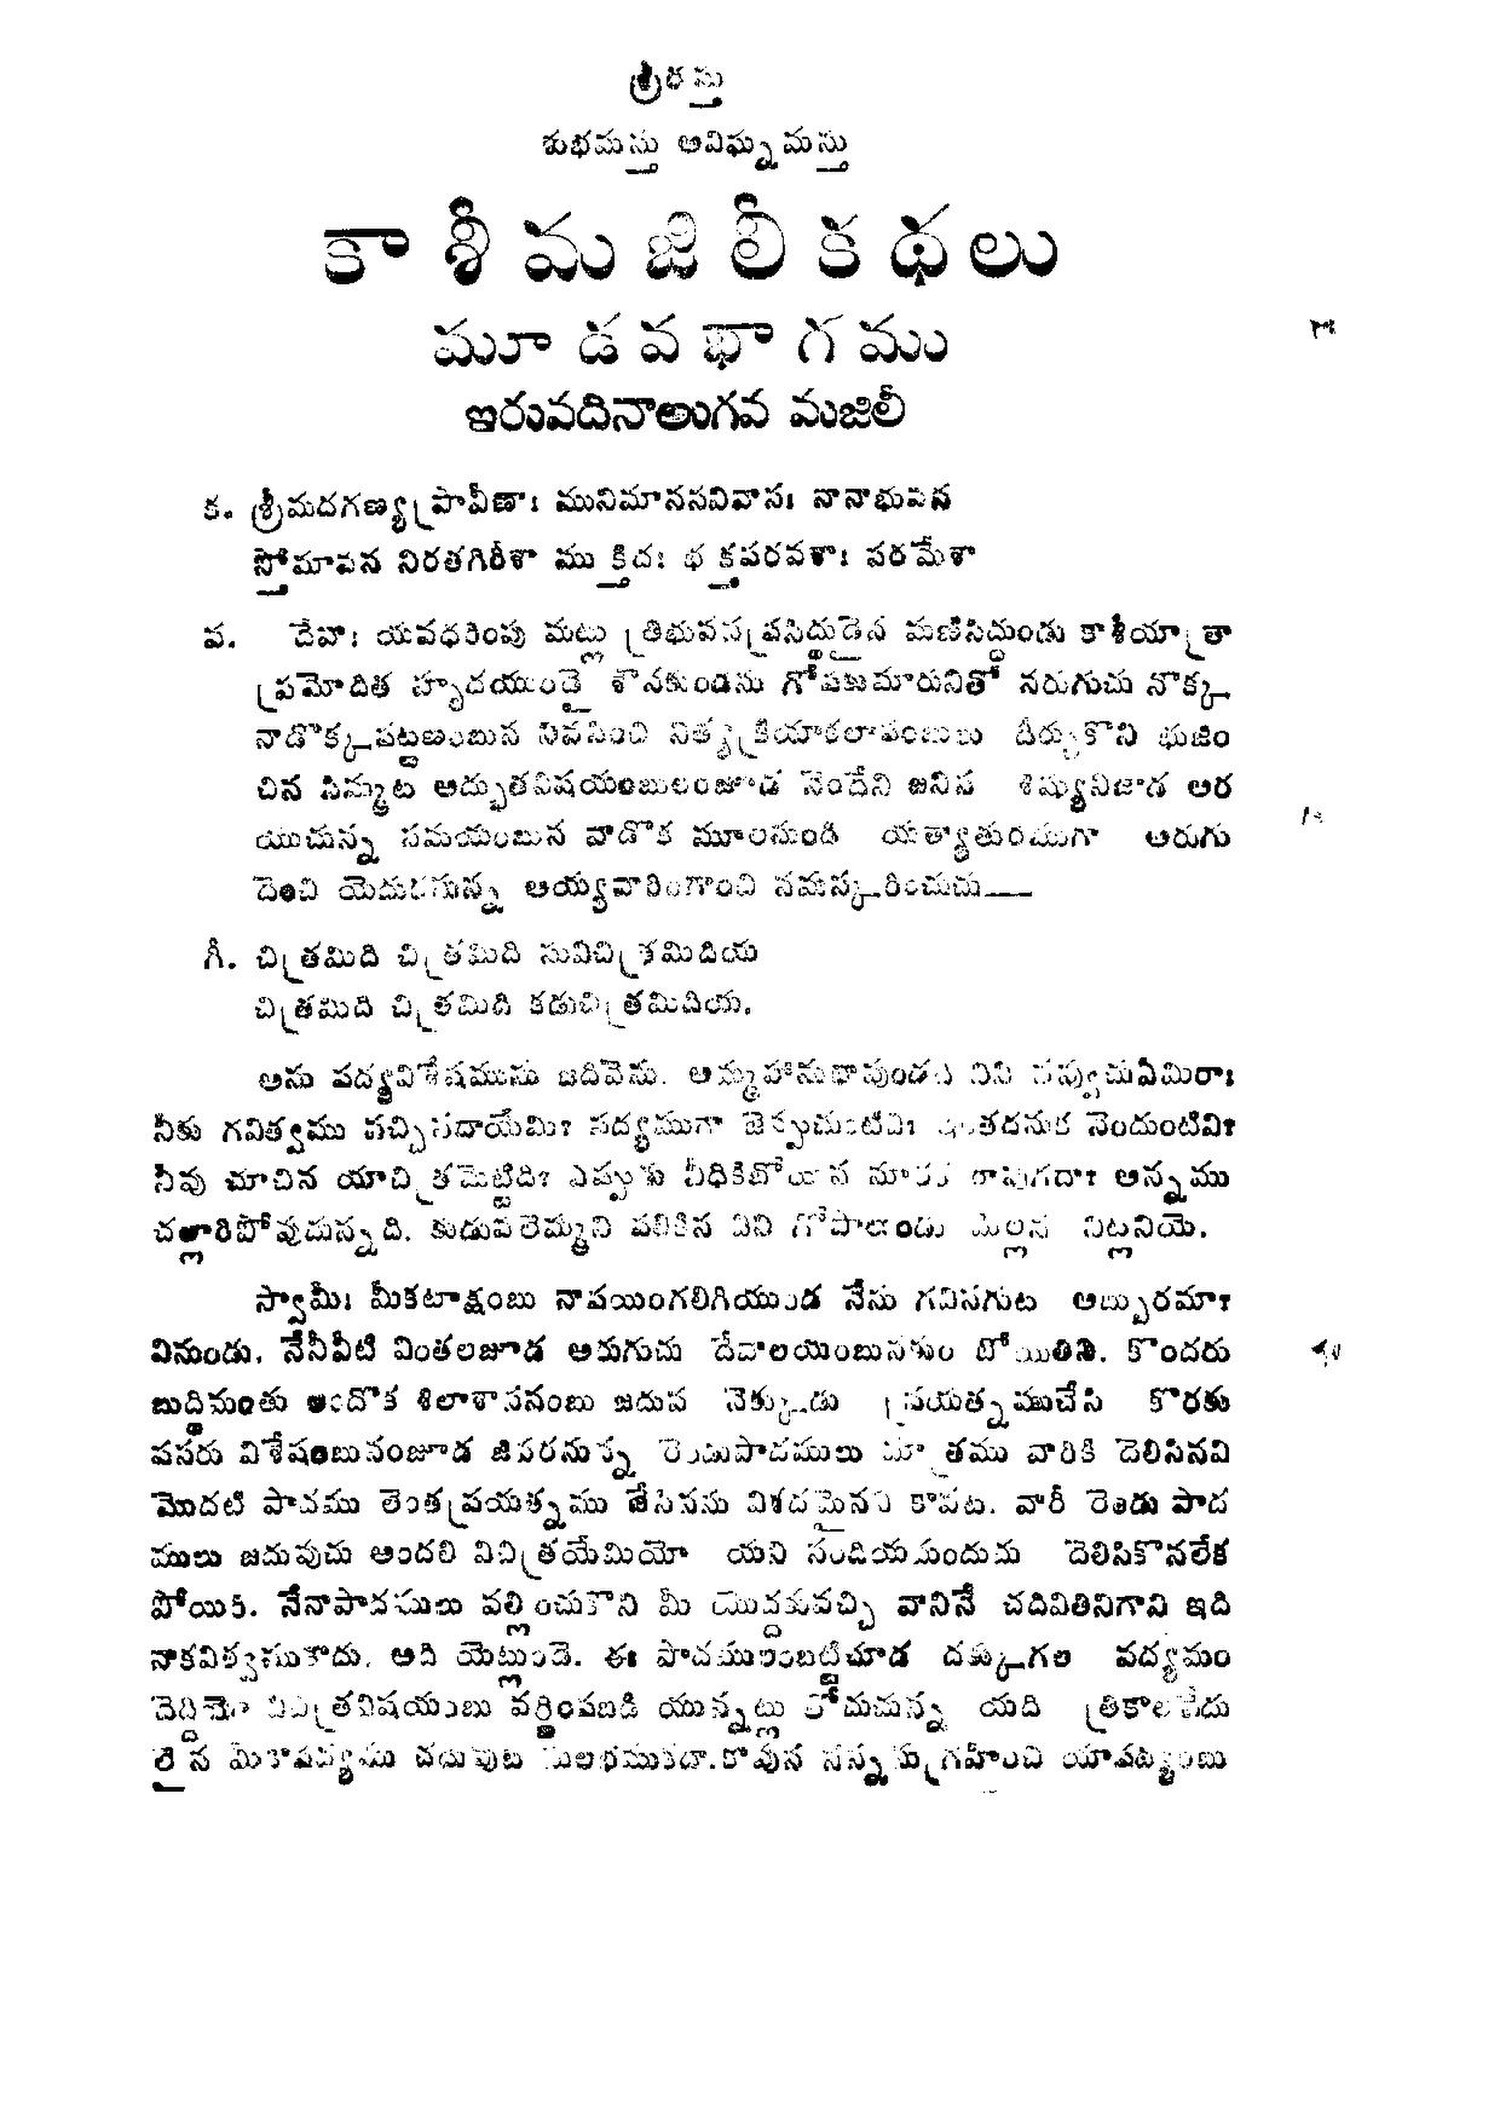కాశీమజిలీ కథలు
మూడవ భాగము
ఇరువదినాలుగవ మజిలీ

క. శ్రీమదగణ్యప్రావీణా'! మునిమానసవివాసః నానాభువన
 స్తోమావన నిరతగిరీశా ముక్తిదః భక్తపరవశా! పరమేశా

వ. దేవా ! యవధరింపు మట్లు త్రిభువనప్రసిద్ధుడైన మణిసిద్ధుండు కాశీయాత్రా
 ప్రమోదిత హృదయుండై శౌనకుండను గోపకుమారునితో నరుగుచు నొక్క
 నాడొక్కపట్టణంబున నివసించి నిత్యక్రియాకలాపంబు దీర్చుకొని భుజిం
 చిన పిమ్మట అద్భుతవిషయంబులంజూడ నెందేని జనిన శిష్యునిజాడ అర
 యుచున్న సమయంబున వాడొక మూలనుండి యత్యాతురముగా అరుగు
 దెంచి యెదురనున్న ఆయ్యవారింగాంచి నమస్కరించుచు--

గీ. చిత్రమిది చిత్రమిది సువిచిత్రమిదియ
 చిత్రమిది చిత్రమిది కడుచిత్రమిదియ.

అను పద్యవిశేషమును జదివెను. అమ్మహానుభావుండది విని నవ్వుచు ఏమిరా ? నీకు గవిత్వము వచ్చినదాయేమి? పద్యముగా జెప్పుచుంటివి? ఇంతదనుక నెందుంటివి? నీవు చూచిన యాచిత్ర మెట్టిది? ఎప్పుడు వీధికిబోయిన నూరక రావుగదా? అన్నము చల్లారిపోవుచున్నది. కుడువలెమ్మని పలికిన విని గోపాలుండు మెల్లన నిట్లనియె.

స్వామీ! మీకటాక్షంబు నాపయింగలిగియుండ నేను గవినగుట అబ్బురమా? వినుండు. నేనీవీటి వింతలజూడ అరుగుచు దేవాలయంబునకుం బోయితిని. కొందరు బుద్ధిమంతు లందొక శిలాశాసనంబు జదువ నెక్కుడు ప్రయత్నముచేసి కొరకుపసరు విశేషంబునంజూడ జివరనున్న రెండుపాదములు మాత్రము వారికి దెలిసినవి మొదటి పాదము లెంతప్రయత్నము జేసినను విశదమైనవి కావట. వారీ రెండుపాదములు జదువుచు అందలి విచిత్రయేమియో యని సందియమందుచు దెలిసికొనలేక పోయిరి. నేనాపాదములు వల్లించుకొని మీ యొద్దకువచ్చి వానినే చదివితినిగాని ఇది నాకవిత్వముకాదు. అది యెట్లుండె. ఈ పాదములంబట్టిచూడ దక్కుగల పద్యమం దెద్దియో విచిత్రవిషయంబు వర్ణింపబడి యున్నట్లు తోచుచున్న యది త్రికాలవేదులైన మీకాపద్యము చదువుట సులభముకదా. కావున నన్ననుగ్రహించి యాపద్యంబు